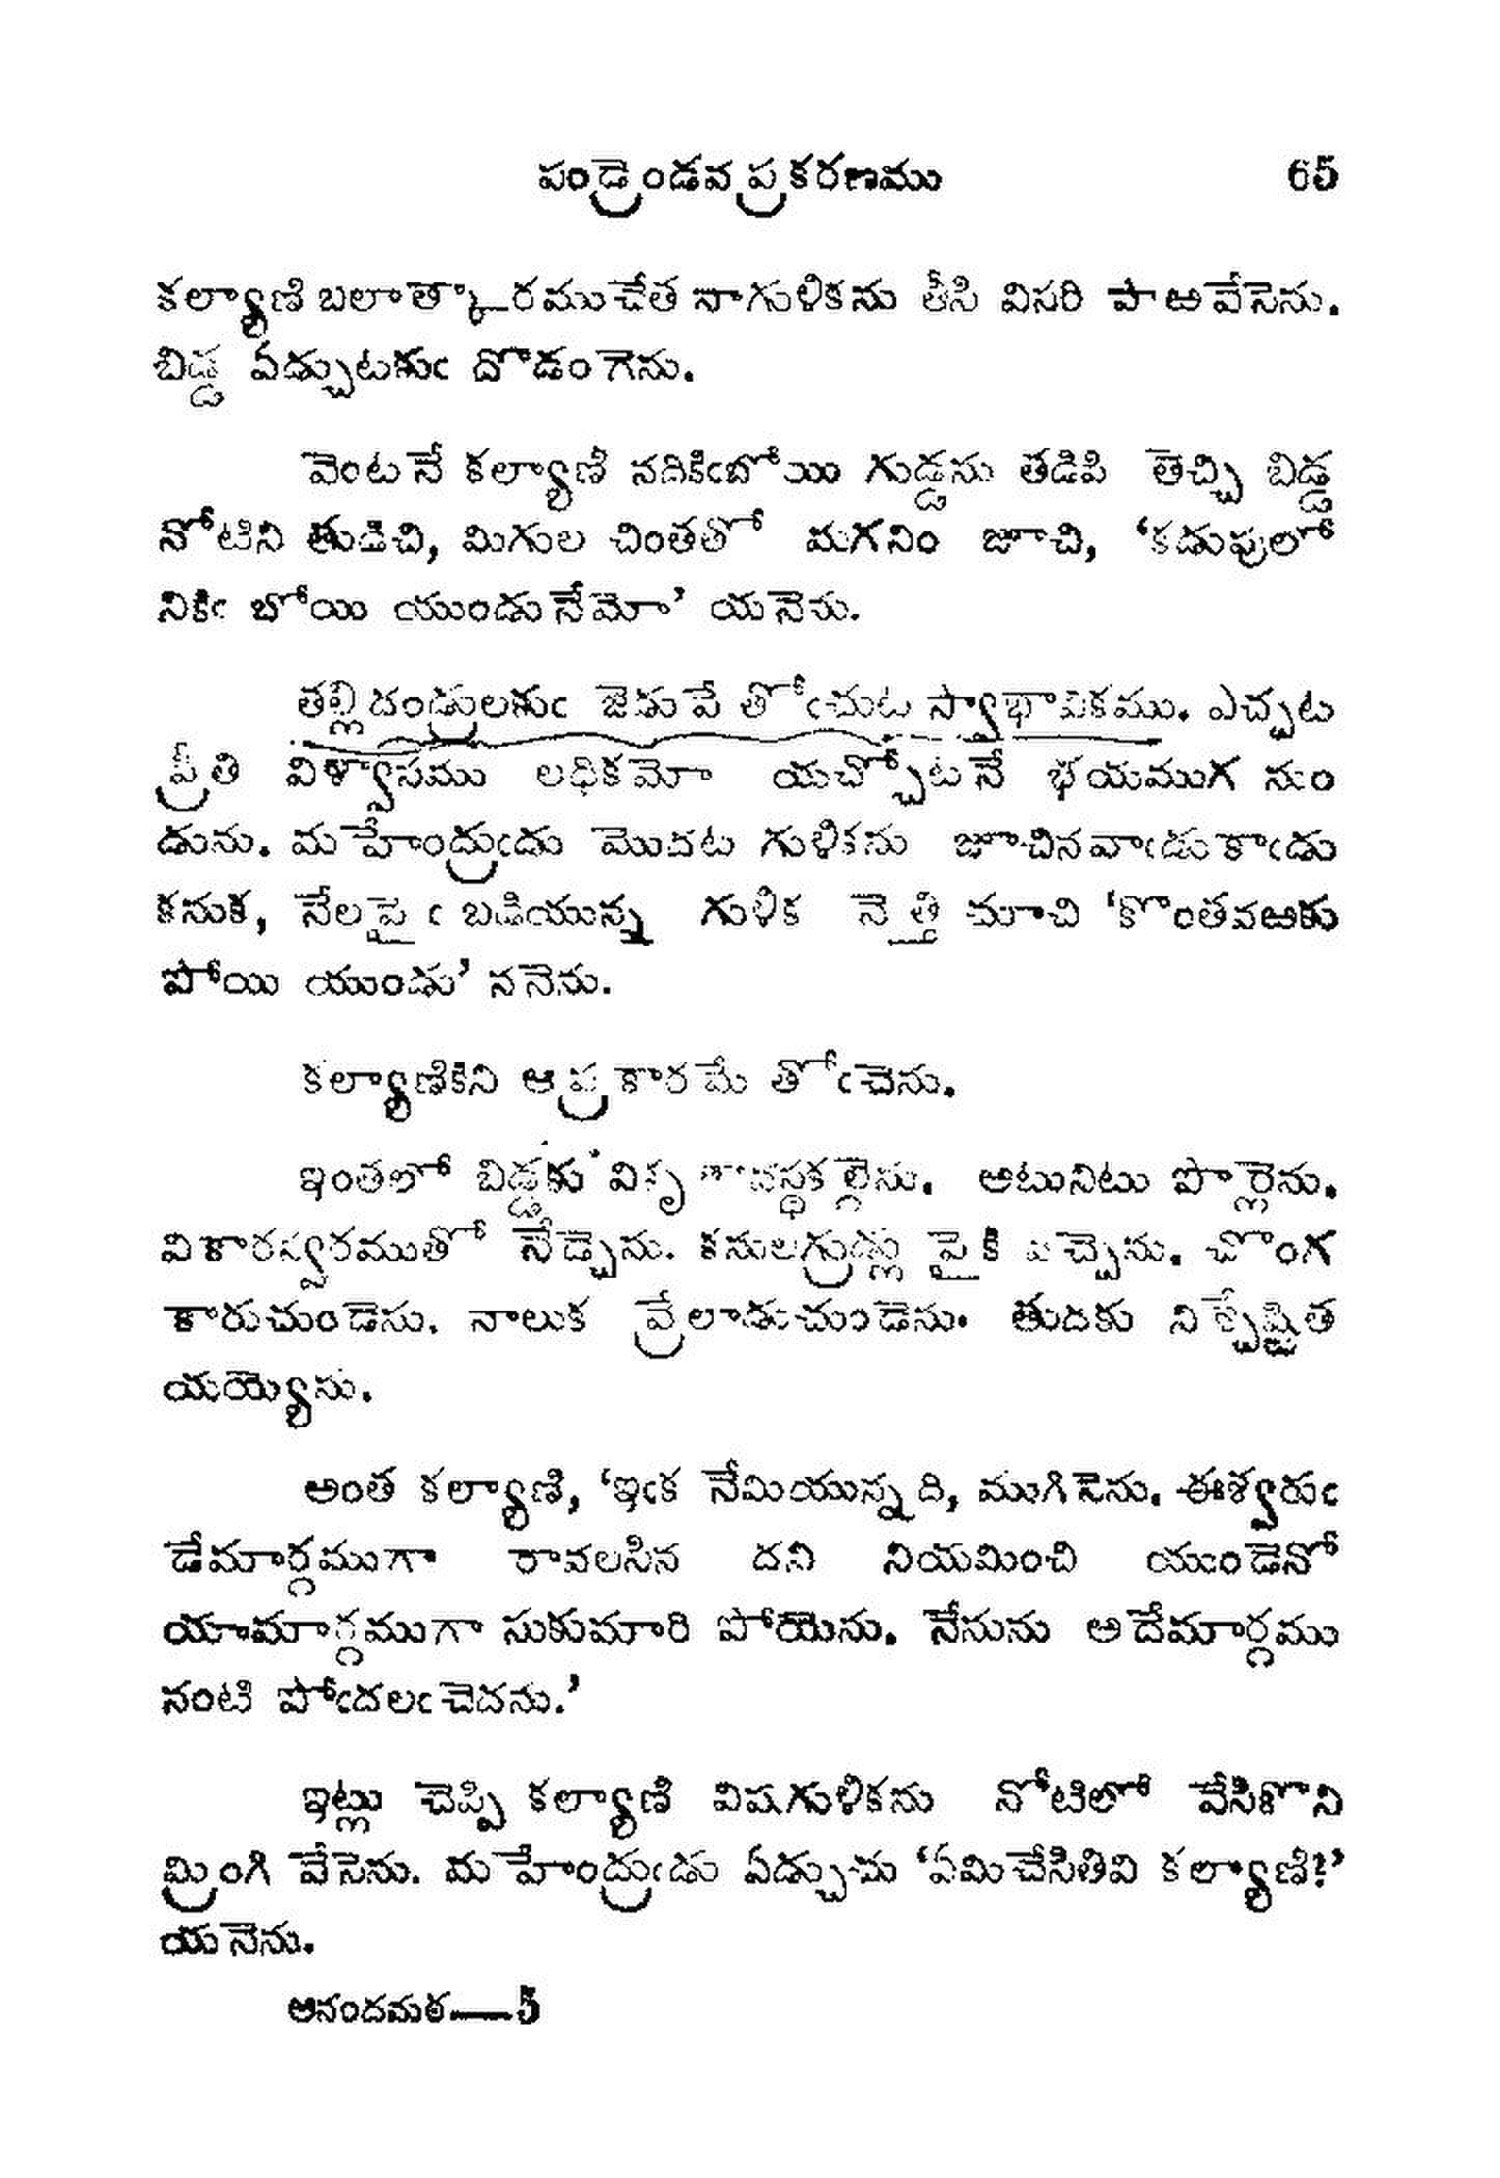కల్యాణి బలాత్కారముచేత నాగుళికను తీసి విసరి పాఱవేసెను. బిడ్డ ఏడ్చుటకుఁ దొడంగెను.

వెంటనే కల్యాణీ నదికిఁబోయి గుడ్డను తడిపి తెచ్చి బిడ్డ నోటిని తుడిచి, మిగుల చింతతో మగనిం జూచి, 'కడుపులోనికిఁ బోయి యుండునేమో' యనెను.

తల్లి దండ్రులకుఁ జెడుపే తోఁచుట స్వాభావికము. ఎచ్చట ప్రీతి విశ్వాసము లధికమో యచ్చోటనే భయముగ నుండును. మహేంద్రుఁడు మొదట గుళికను జూచిన వాఁడు కాఁడు కనుక, 'నేలపైఁ బడియున్న గుళిక నెత్తి చూచి 'కొంతవఱకు పోయి యుండు' ననెను.

కల్యాణికిని ఆప్రకారమే తోఁచెను.

ఇంతలో బిడ్డకు విక్రుతావస్థకల్గెను. ఆటునిటు పొర్లెను, వికారస్వరముతో నేడ్చెను. కనుల గ్రుడ్లు పైకి వచ్చెను. చోంగ కారుచుండెను, నాలుక వ్రేలాడుచుండెను. తుదకు నిశ్చేష్టిత యయ్యెను.

అంత కల్యాణి, 'ఇఁక నేమియున్నది, ముగిసెను. ఈశ్వరుఁడేమార్గముగా రావలసినదని నియమించి యుండెనో యామార్గముగా సుకుమారి పోయెను. నేనును అదేమార్గము నంటి పోఁదలఁచెదను.'

ఇట్లు చెప్పి కల్యాణి విషగుళికను నోటిలో వేసికొని మ్రింగి వేసెను. మహేంద్రుడు ఏడ్చుచు 'ఏమి చేసితివి కల్యాణీ!' యనెను.